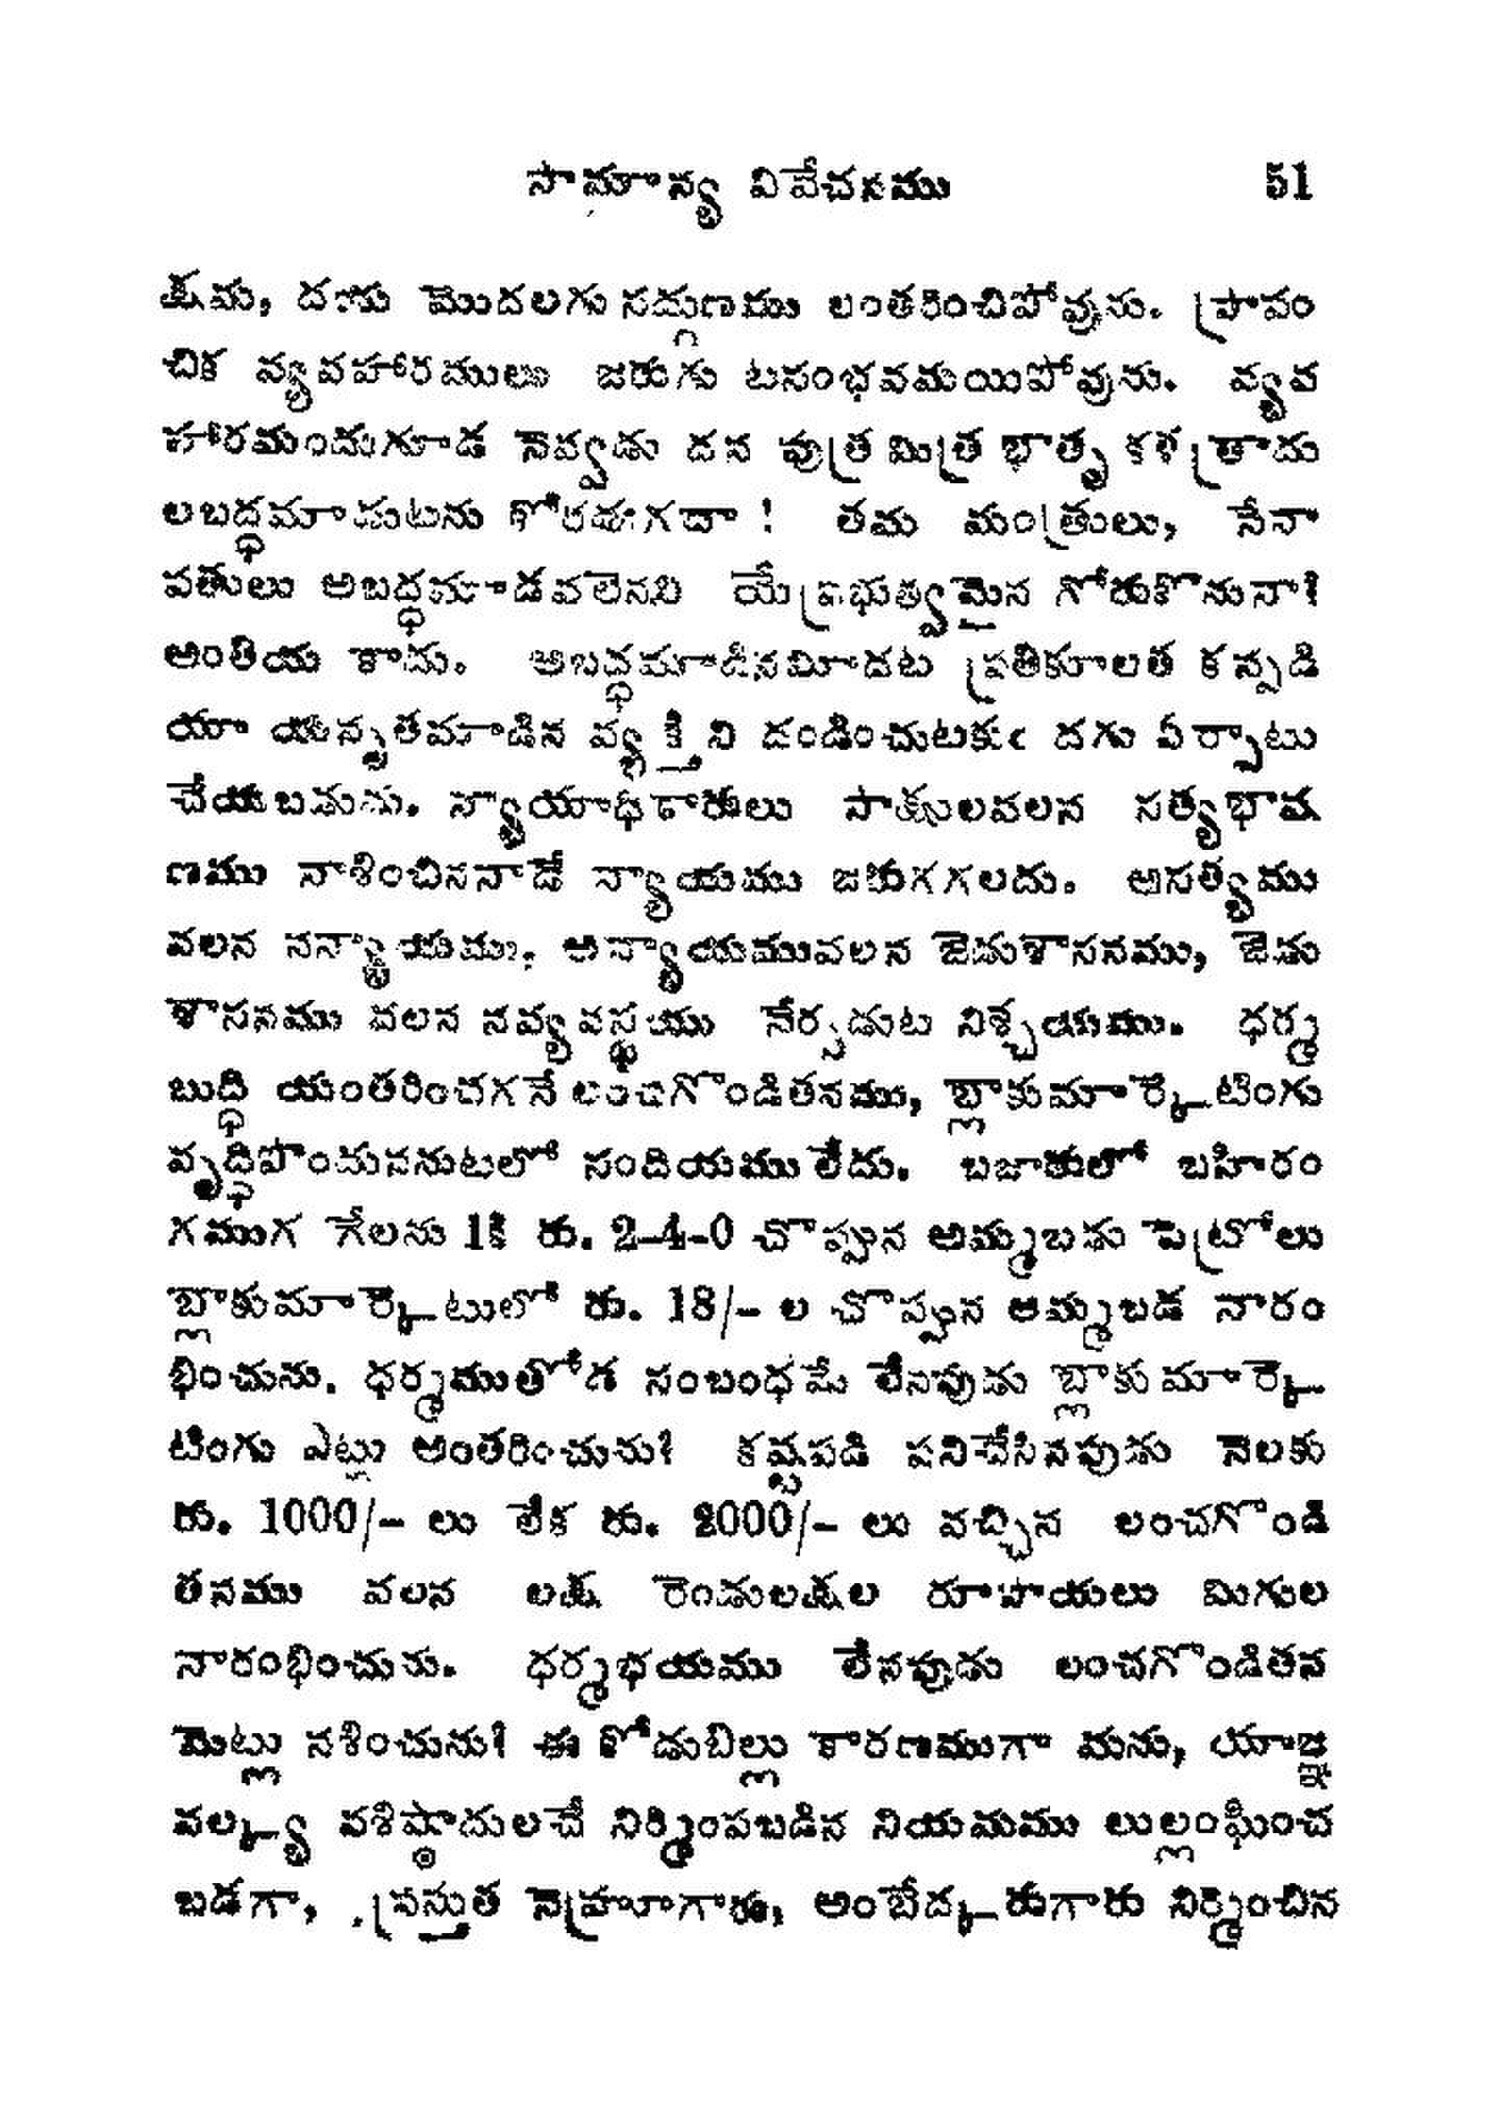క్షమ, దయ మొదలగు సద్గుణము లంతరించిపోవును. ప్రావంచిక 
వ్యవహారములు జరుగు టసంభవమయిపోవును. వ్యవహారమందు
గూడ నెవ్వడు దన పుత్ర మిత్ర భాతృకళత్రాదు లబద్ధమాడుటను 
గోరడుగదా! తమ మంత్రులు, సేనాపతులు అబద్ధమాడవలెనని 
యేప్రభుత్వమైన గోరుకొనునా? అంతియ కాదు. అబద్ధమాడిన 
మీదట ప్రతికూలత కన్పడి యా యనృతమాడిన వ్యక్తిని 
దండించుటకుఁ దగు ఏర్పాటు చేయబడును. న్యాయాధికారులు 
సాక్షులవలన సత్యభాషణము నాశించిననాడే న్యాయము 
జరుగగలదు. అసత్యము వలన నన్యాయము, అన్యాయమువలన 
జెడుశాసనము, జెడు శాసనము వలన నవ్యవస్థయు నేర్పడుట 
నిశ్చయము. ధర్మబుద్ధి యంతరించగనే లంచగొండితనము, 
బ్లాకు మార్కెటింగు వృద్ధిపొందుననుటలో సందియములేదు. 

బజారులో బహిరంగముగ గేలను 1కి రు. 2-4-0 చొప్పున అమ్మబడు 
పెట్రోలు బ్లాకుమార్కెటులో రూ. 18/- ల చొప్పున అమ్మబడ 
నారంభించును. ధర్మముతోడ సంబంధమే లేనపుడు 
బ్లాకుమార్కెటింగు ఎట్లు అంతరించును?కష్టపడి పనిచేసినపుడు 
నెలకు రూ. 1000/- లు లేక రు. 2000/- లు వచ్చిన లంచగొండి
తనము వలన లక్ష రెండులక్షల రూపాయలు మిగుల
నారంభించును. ధర్మభయము లేనపుడు లంచగొండితనమెట్లు 
నశించును? ఈ కోడుబిల్లు కారణముగా మను, యాజ్ఞవల్క్య 
వశిష్ఠాదులచే నిర్మింపబడిన నియమము లుల్లంఘించబడగా,
ప్రస్తుత నెహ్రూగారూ, అంబేద్కరు గారు నిర్మించిన